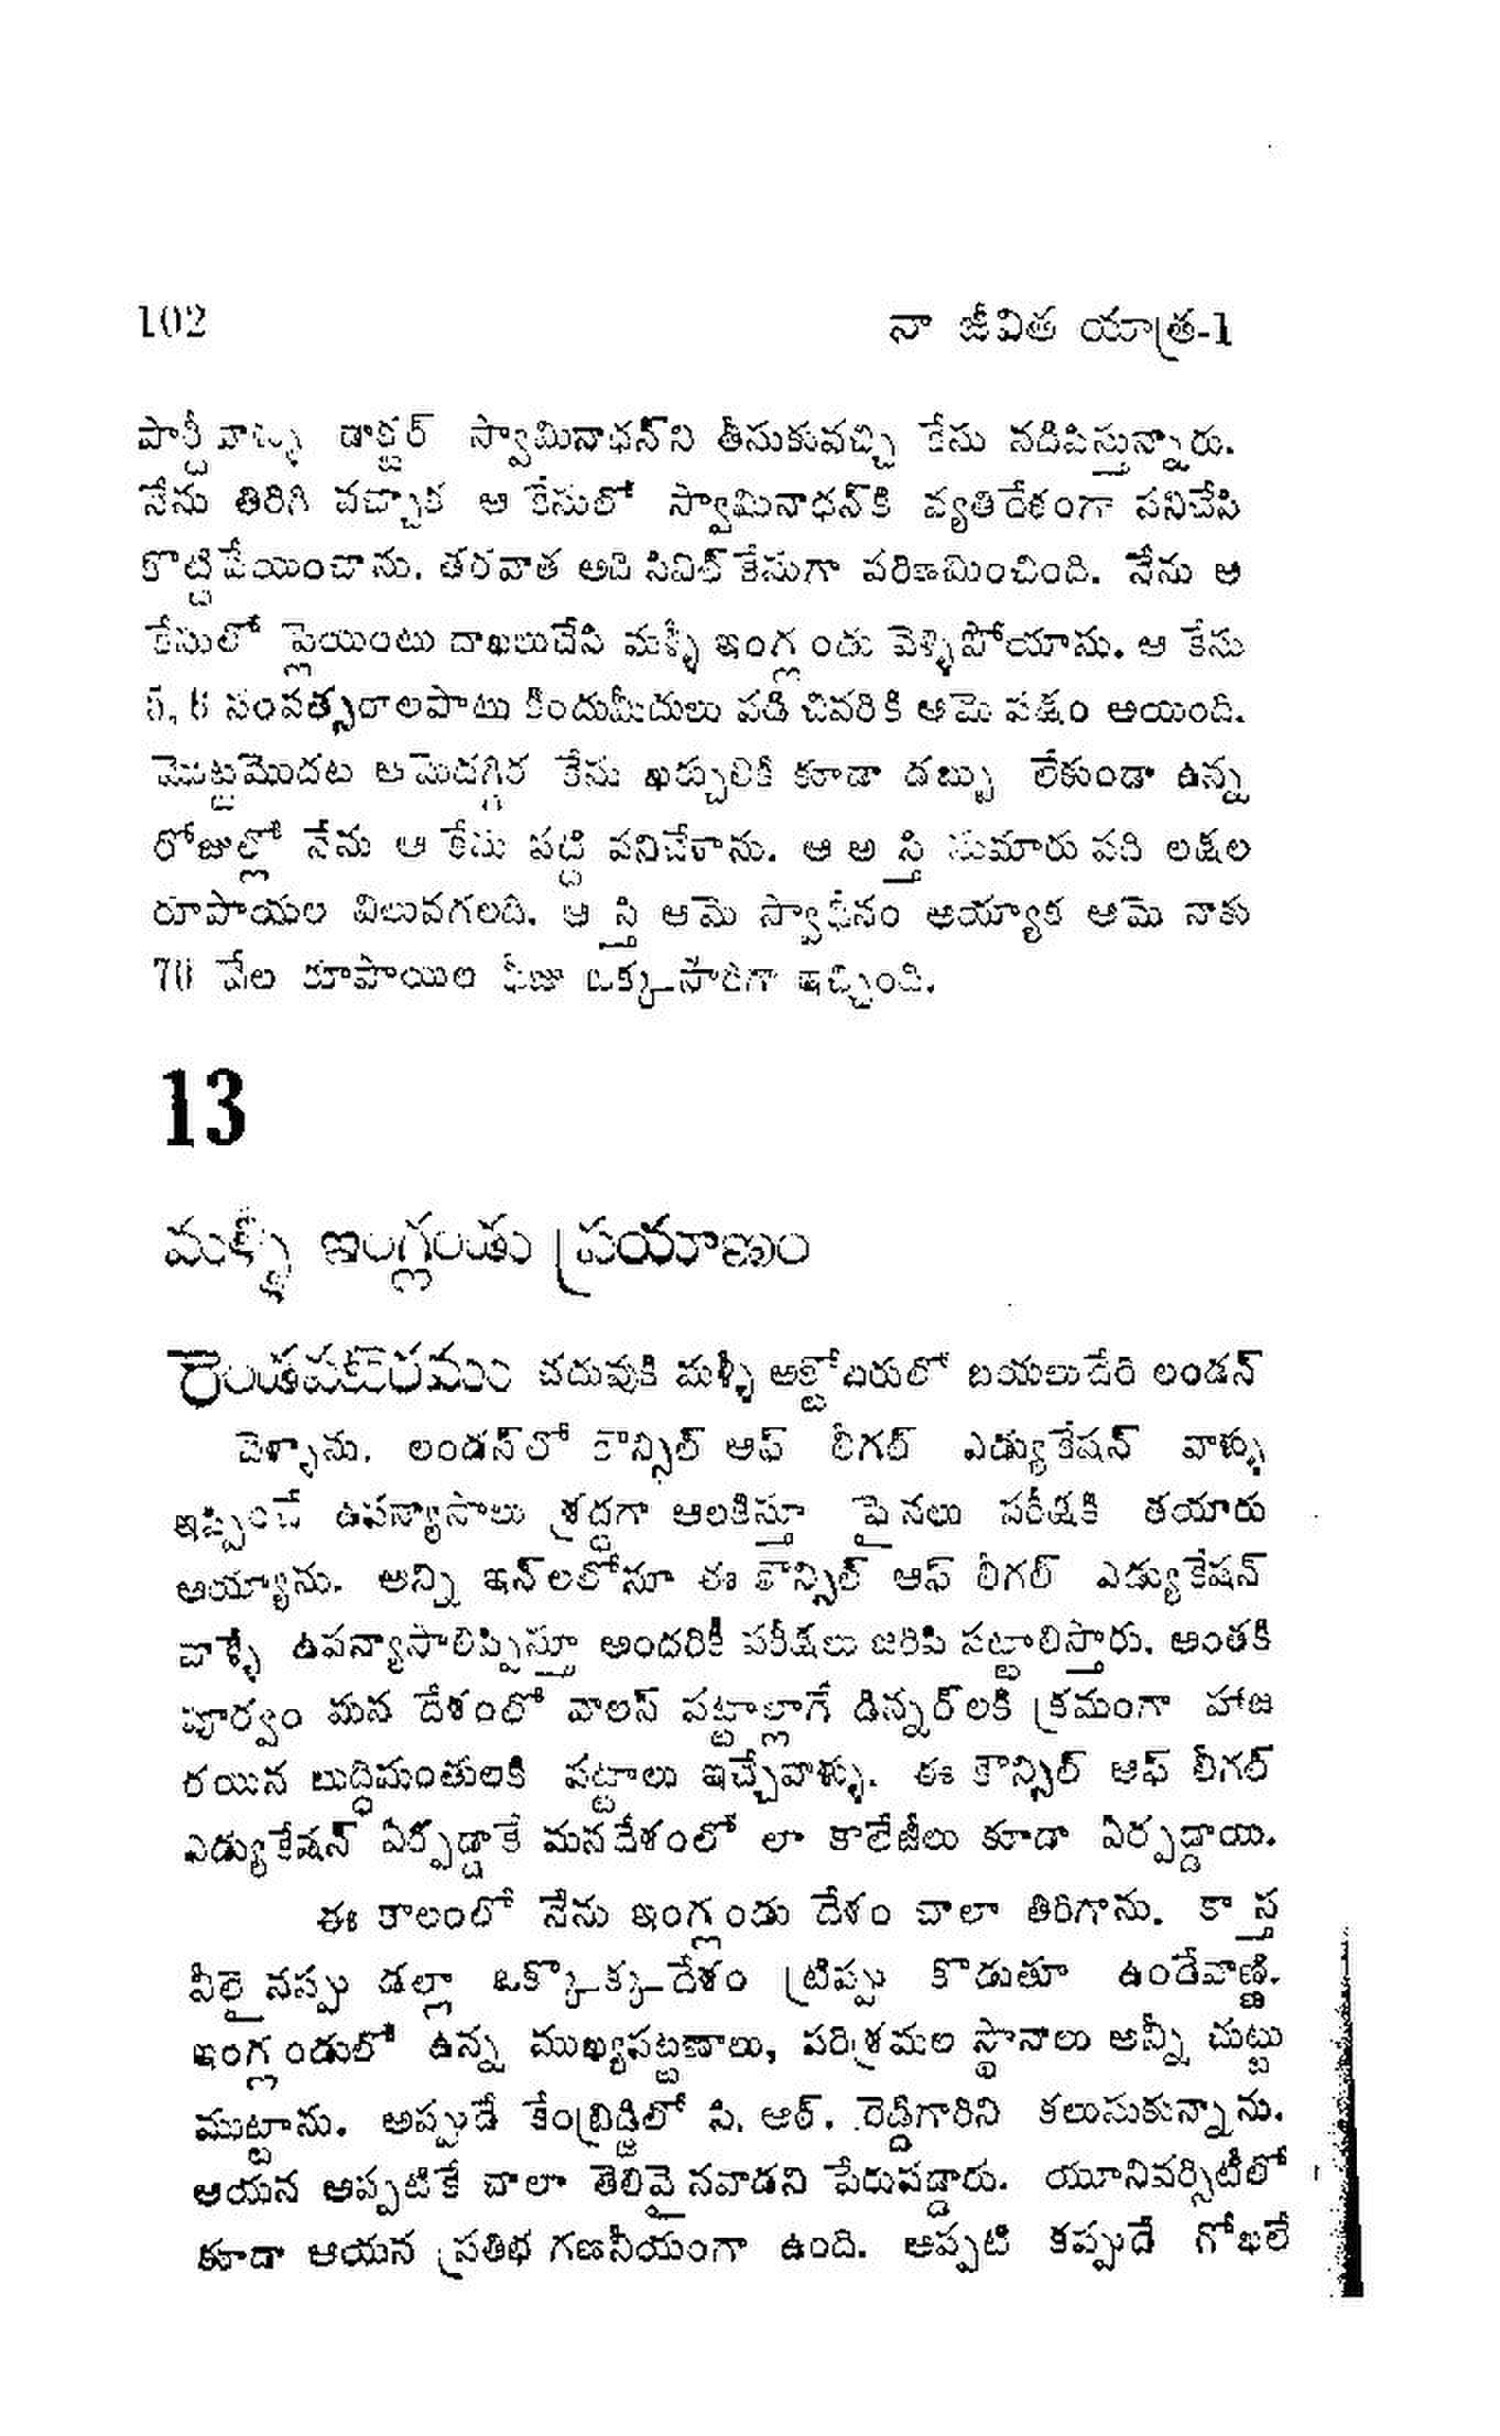పార్టీవాళ్ళు డాక్టర్ స్వామినాధన్‌ని తీసుకువచ్చి కేసు నడిపిస్తున్నారు. నేను తిరిగి వచ్చాక అ కేసులో స్వామినాధన్‌కి వ్యతిరేకంగా పనిచేసి కొట్టివేయించాను. తరవాత అది సివిల్‌కేసుగా పరిణమించింది. నేను ఆ కేసులో ప్లెయింటు దాఖలుచేసి మళ్ళీ ఇంగ్లండు వెళ్ళిపోయాను. ఆ కేసు 5, 6, సంవత్సరాలపాటు కిందుమీదులు పడి చివరికి ఆమె పక్షం అయింది. మొట్టమొదట ఆమెదగ్గిర కేసు ఖర్చులికి కూడా డబ్బు లేకుండా ఉన్న రోజుల్లో నేను ఆ కేసు పట్టి పనిచేశాను. ఆ ఆస్తి సుమారు పది లక్షల రూపాయల విలువగలది. ఆస్తి ఆమె స్వాధీనం అయ్యాక ఆమె నాకు 70 వేల రూపాయల ఫీజు ఒక్కసారిగా ఇచ్చింది.

రెండవటెరము చదువుకి మళ్ళీ అక్టోబరులో బయలుదేరి లండన్ వెళ్ళాను. లండన్‌లో కౌన్సిల్ ఆఫ్ లీగల్ ఎడ్యుకేషన్ వాళ్ళు ఇప్పించే ఉపన్యాసాలు శ్రద్ధగా ఆలకిస్తూ ఫైనలు పరీక్షకి తయారు అయ్యాను. అన్ని ఇన్‌లలోనూ ఈ కౌన్సిల్ ఆఫ్ లీగల్ ఎడ్యుకేషన్ వాళ్ళే ఉపన్యాసాలిప్పిస్తూ అందరికీ పరీక్షలు జరిపి పట్టాలిస్తారు. అంతకి పూర్వం మన దేశంలో వాలస్ పట్టాల్లాగే డిన్నర్‌లకి క్రమంగా హాజరయిన బుద్ధిమంతులకి పట్టాలు ఇచ్చేవాళ్ళు. ఈ కౌన్సిల్ ఆఫ్ లీగల్ ఎడ్యుకేషన్ ఏర్పడ్డాకే మనదేశంలో లా కాలేజీలు కూడా ఏర్పడ్డాయి.

ఈ కాలంలో నేను ఇంగ్లండు దేశం చాలా తిరిగాను. కాస్త వీలైనప్పు డల్లా ఒక్కొక్కదేశం ట్రిప్పు కొడుతూ ఉండేవాణ్ణి. ఇంగ్లండులో ఉన్న ముఖ్యపట్టణాలు, పరిశ్రమల స్థానాలు అన్నీ చుట్టుముట్టాను. అప్పుడే కేంబ్రిడ్జిలో సి. ఆర్. రెడ్డిగారిని కలుసుకున్నాను. ఆయన అప్పటికే చాలా తెలివైనవాడని పేరుపడ్డారు. యూనివర్సిటీలో కూడా ఆయన ప్రతిభ గణనీయంగా ఉంది. అప్పటి కప్పుడే గోఖలే